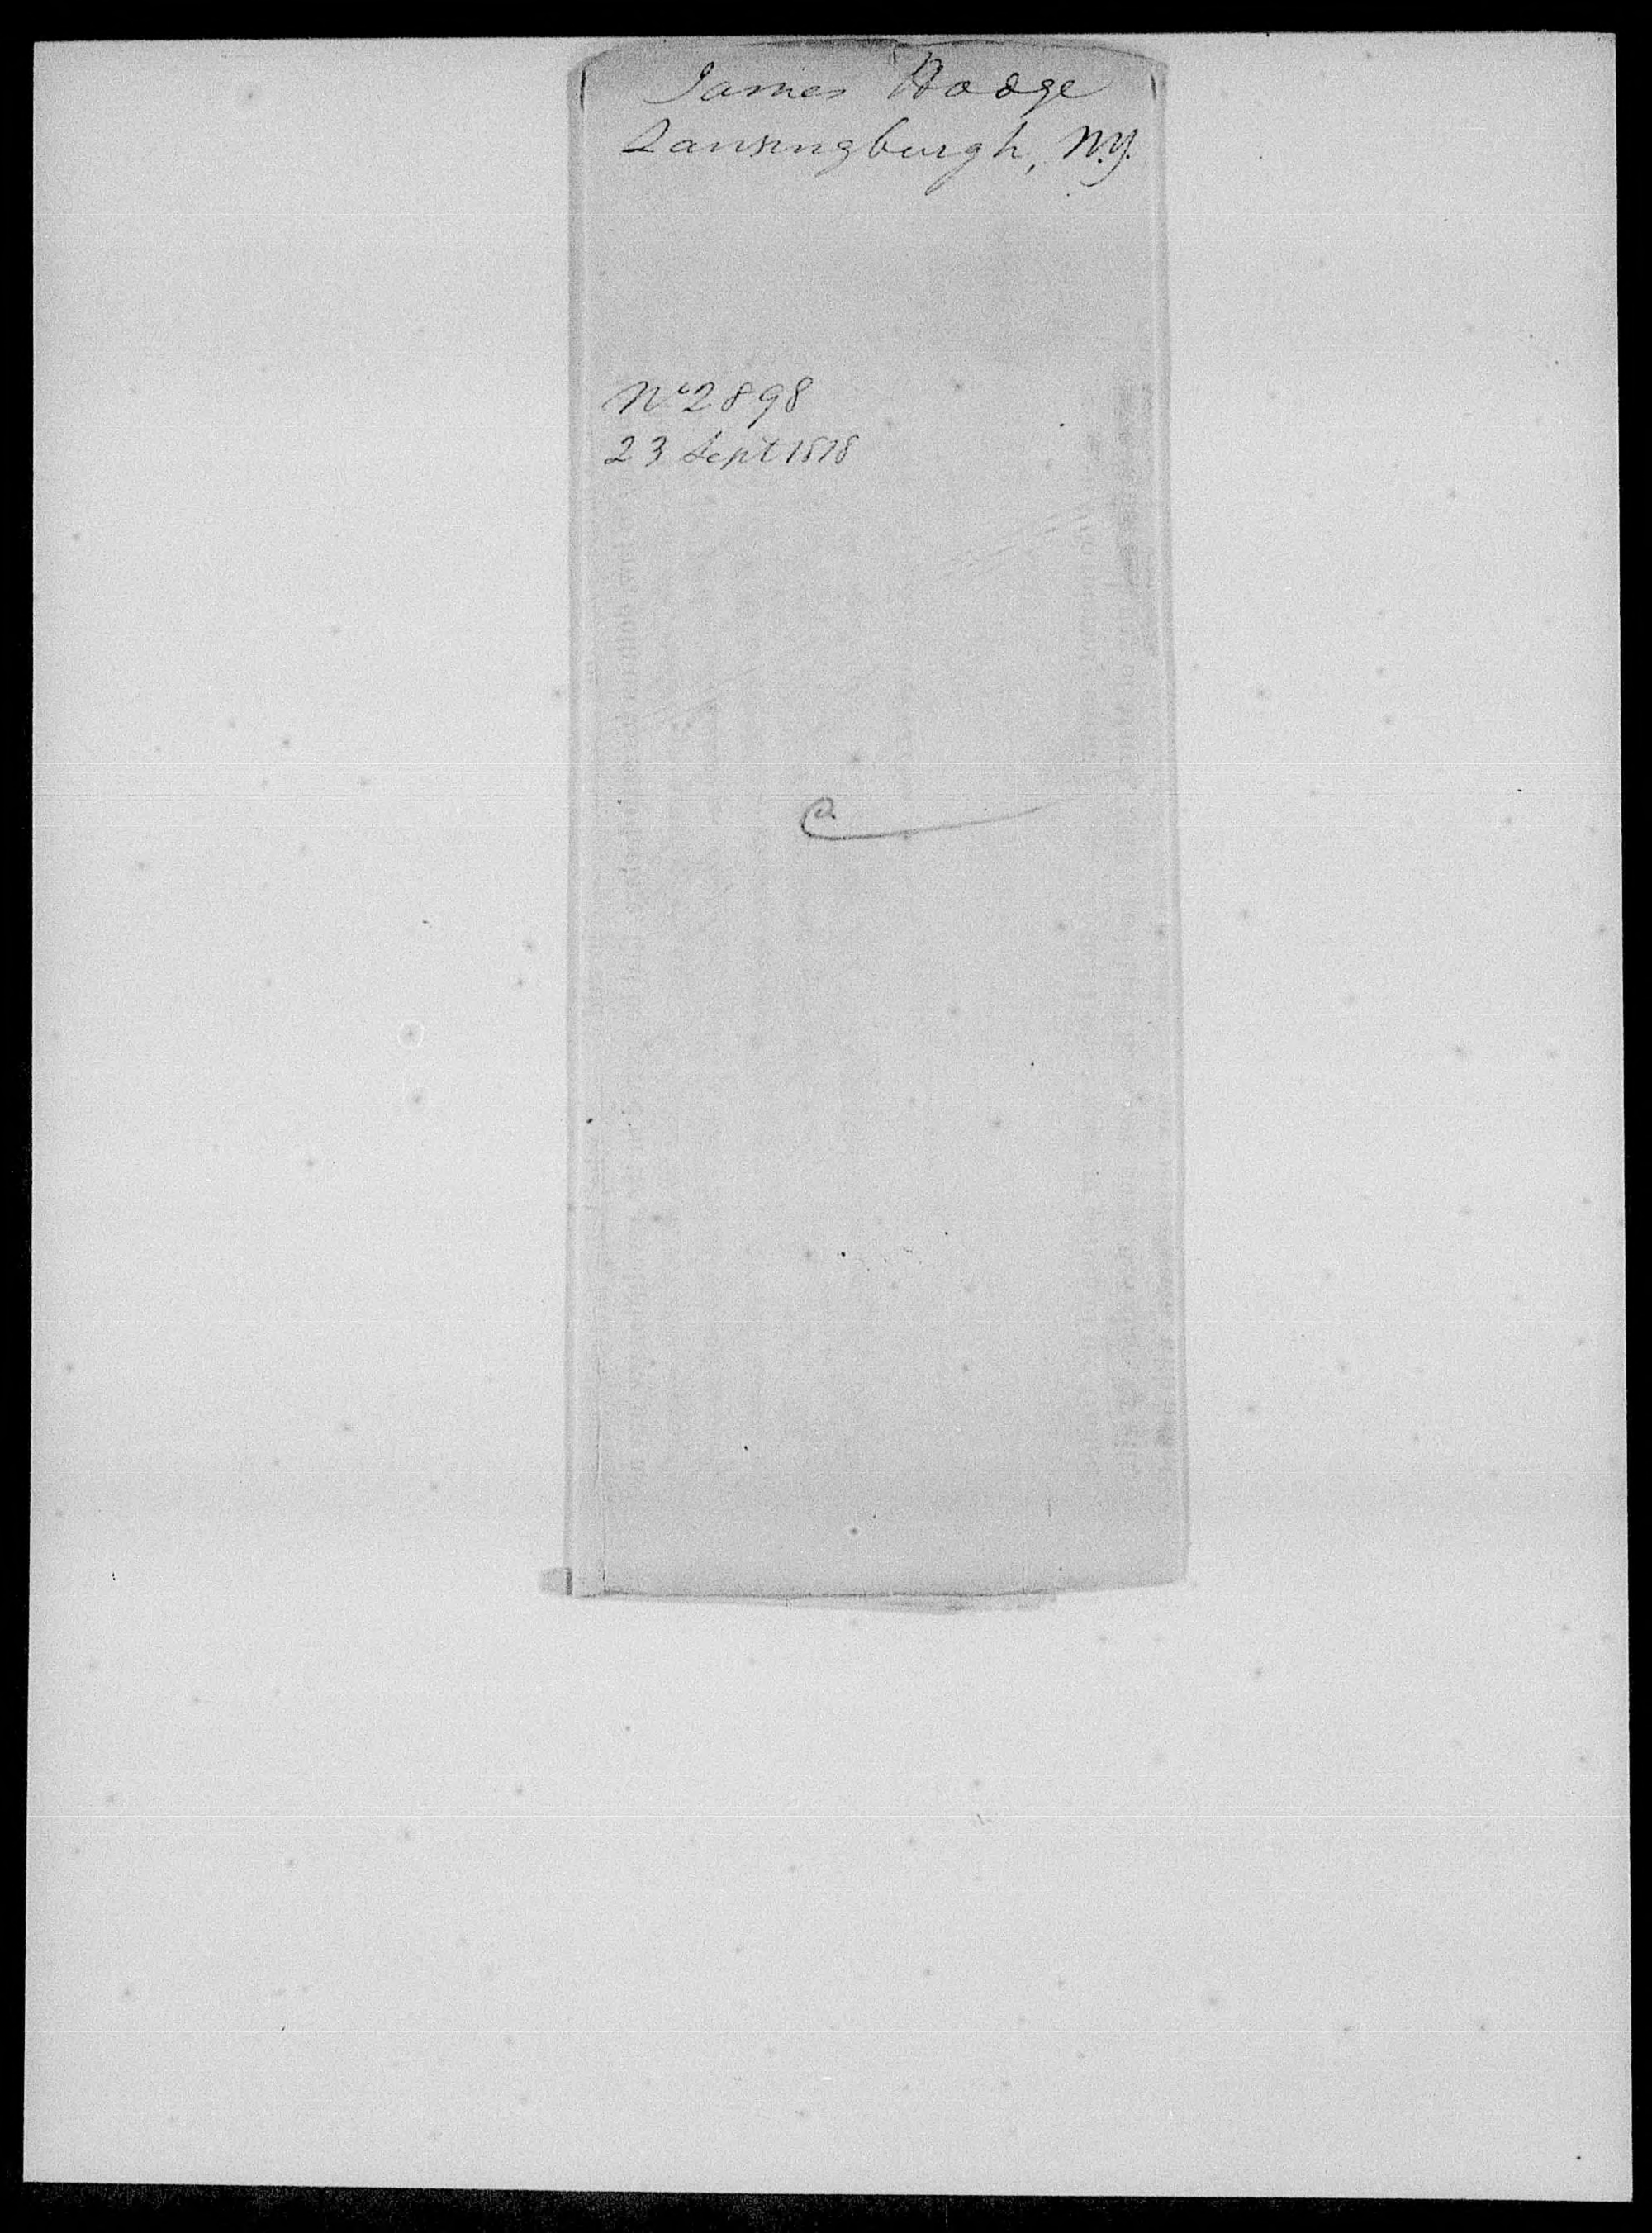James Hodge
[Lansingburgh?], NY

No 2898
23 Sept 1878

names: James Hodge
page: 3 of 48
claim: widow's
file: W. 10476, James Hodge, New York